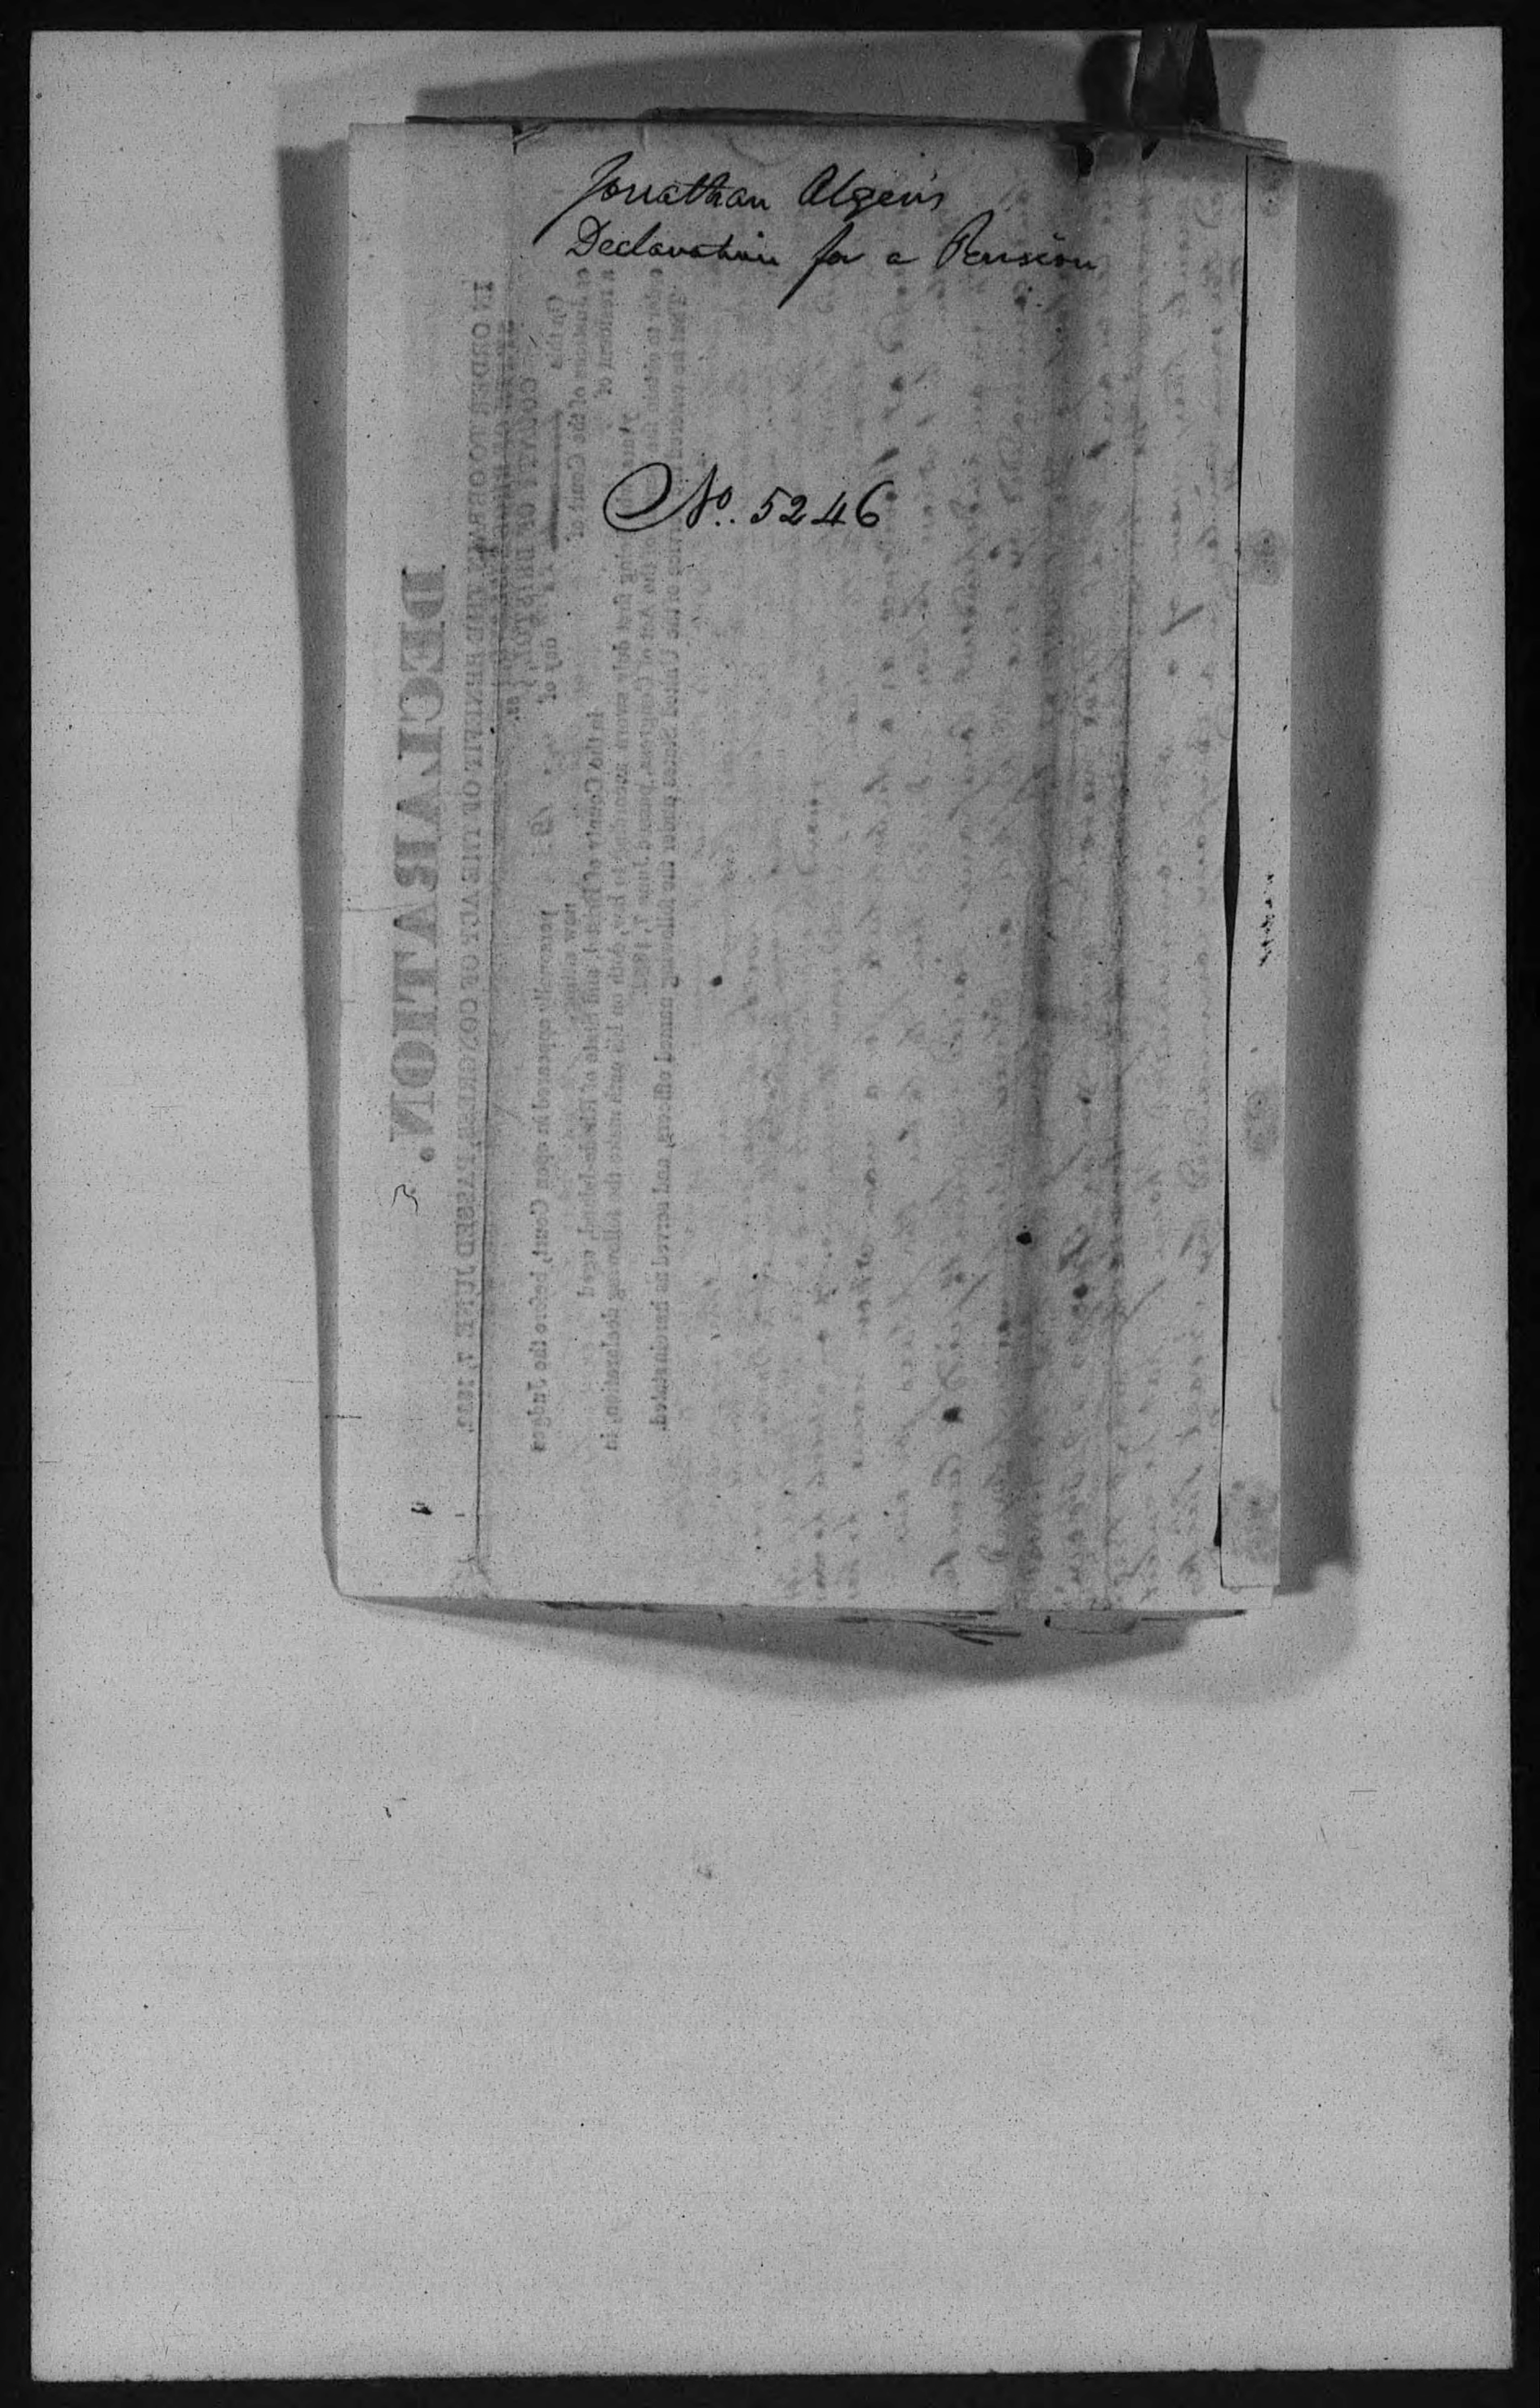Jonathan Alger's
Declaration for a Pension
No. 5246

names: Jonathan Alger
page: 3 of 16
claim: survivor's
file: S. 21040, Jonathan Alger, Mass. R. I.